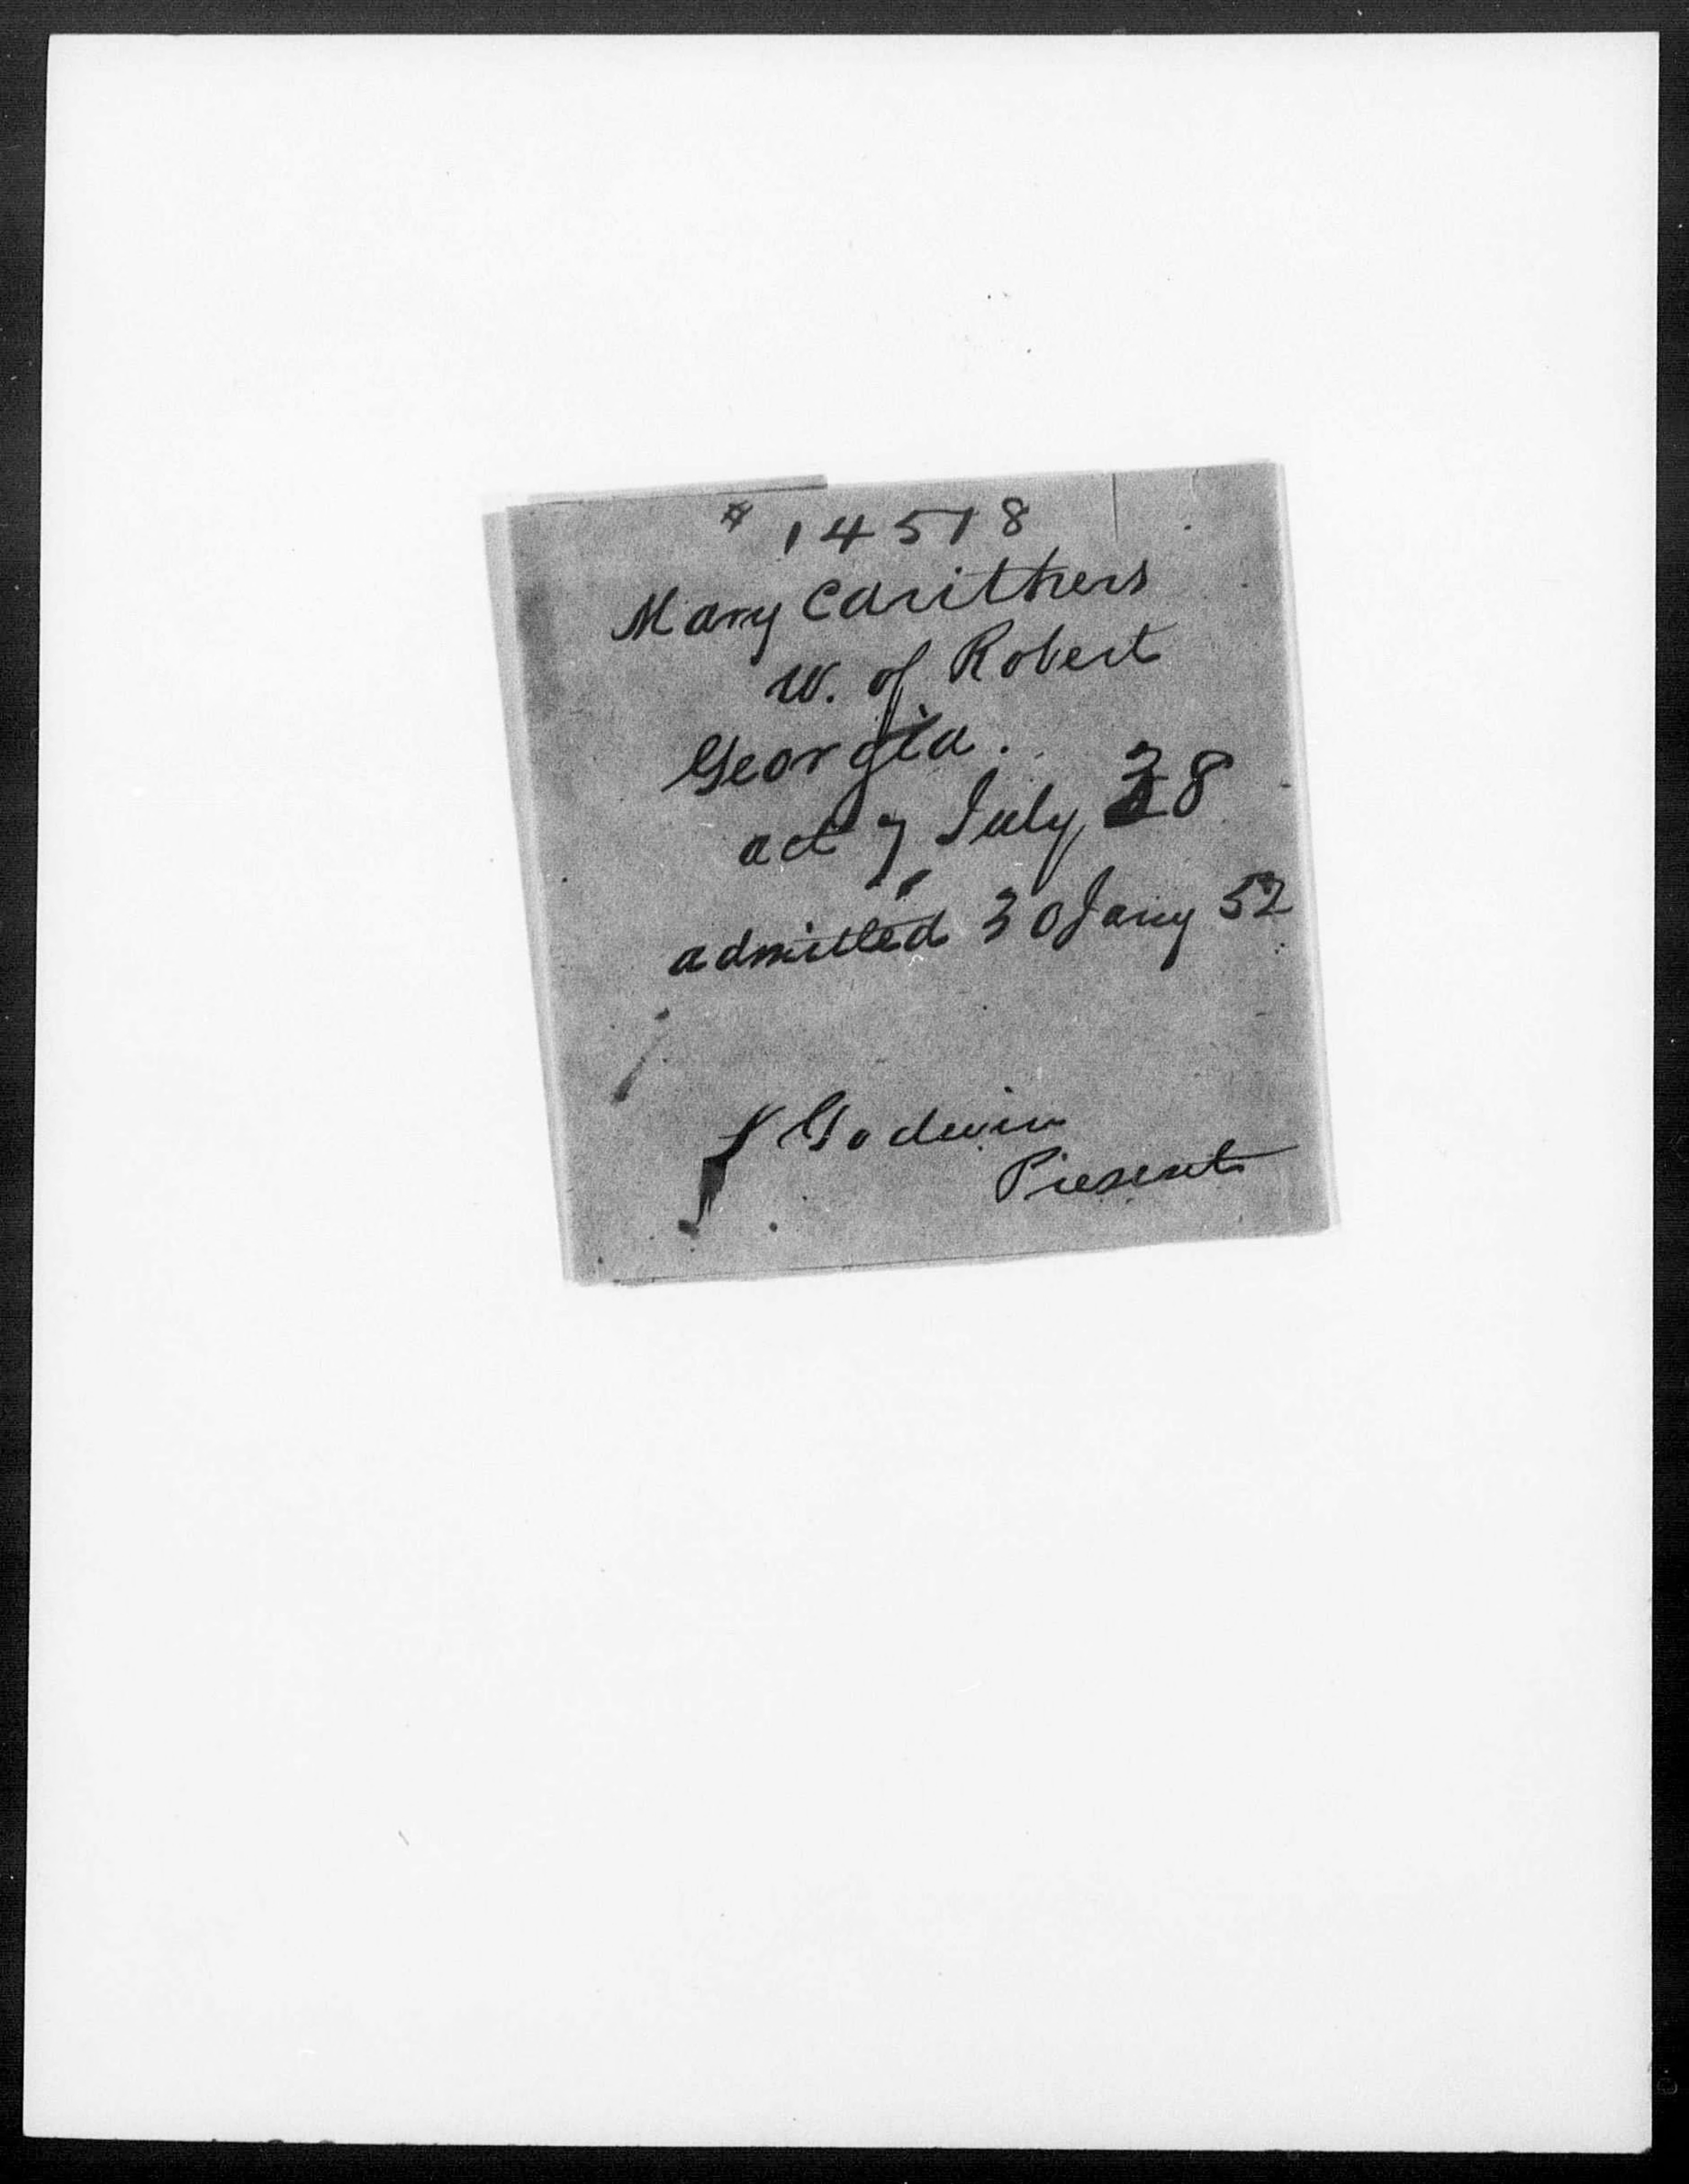14518 Mary Carithers w. of Robert Georgia          act 7 July 38                                               admitted 30 Jany 52                                  S Godwin Present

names: Robert, Mary Carithers, S Godwin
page: 19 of 33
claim: widow's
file: W. 23779, Robert Carithers, S.C.